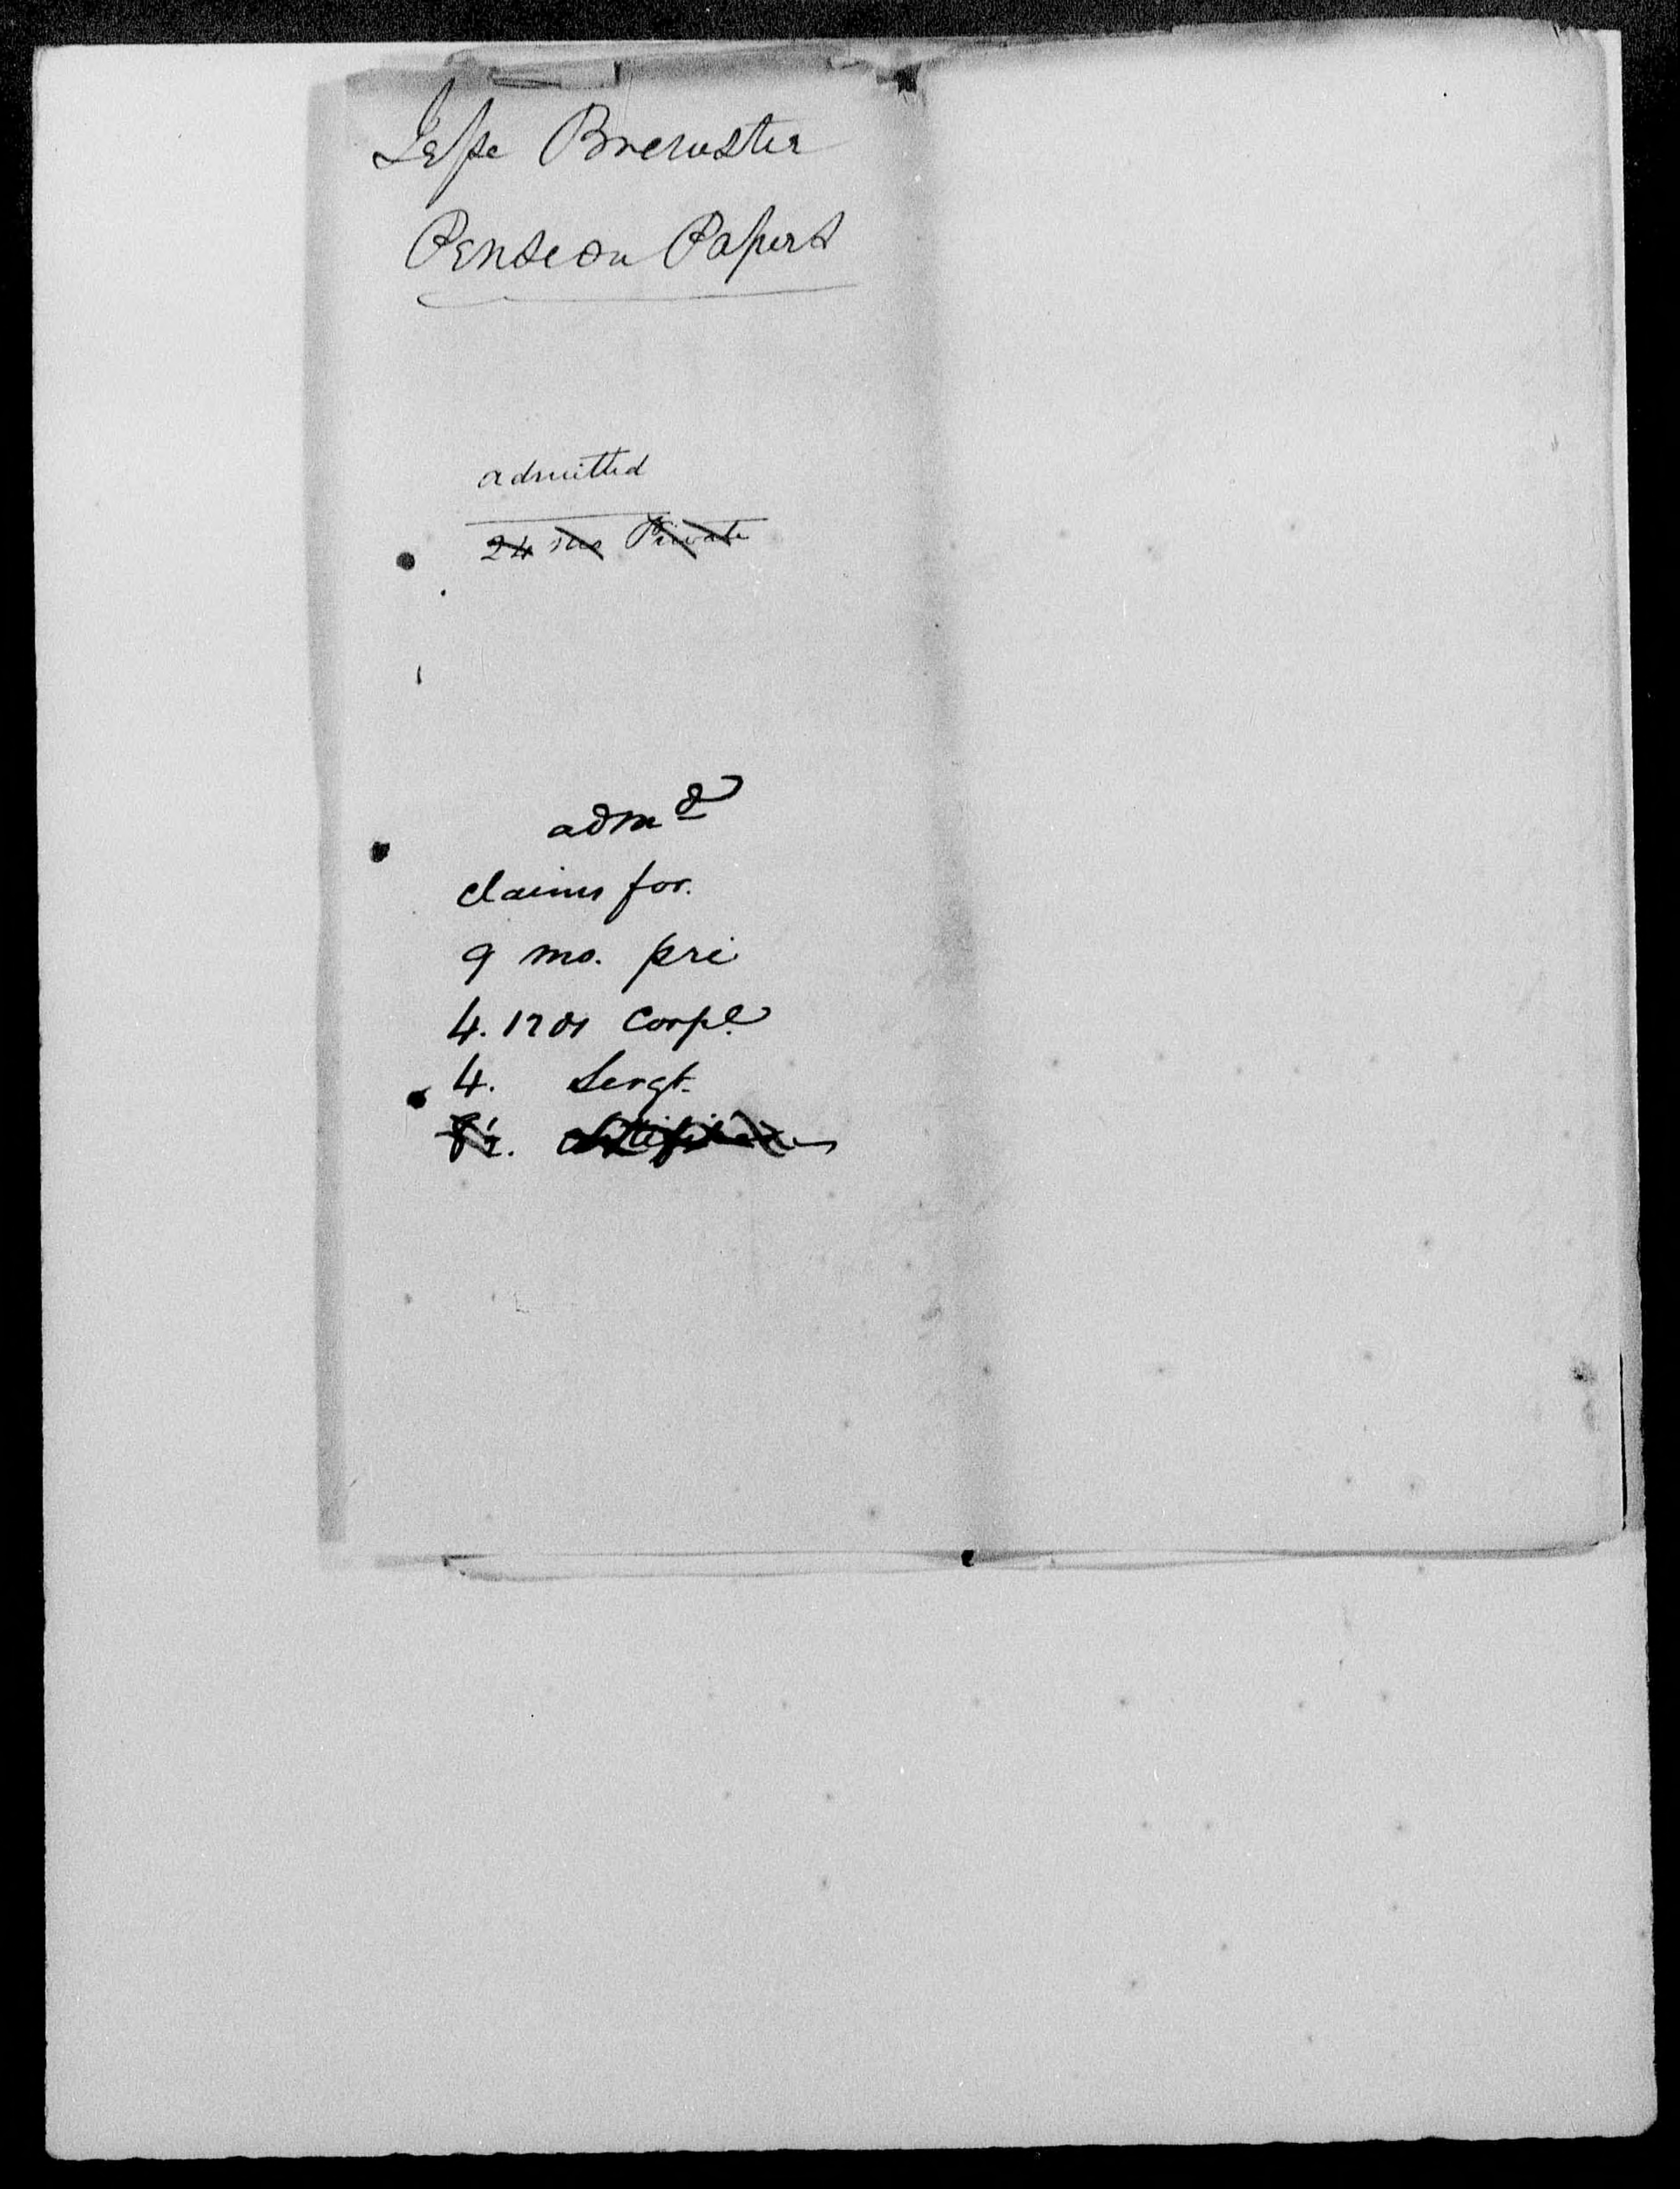Jesse Brewster Pension papers 
admitted 
adm'd claims for 
9mo. pri
4.17m copl.
4 Sergt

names: Jesse Brewster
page: 16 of 26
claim: survivor's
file: S. 12,291, Jesse Brewster, New York